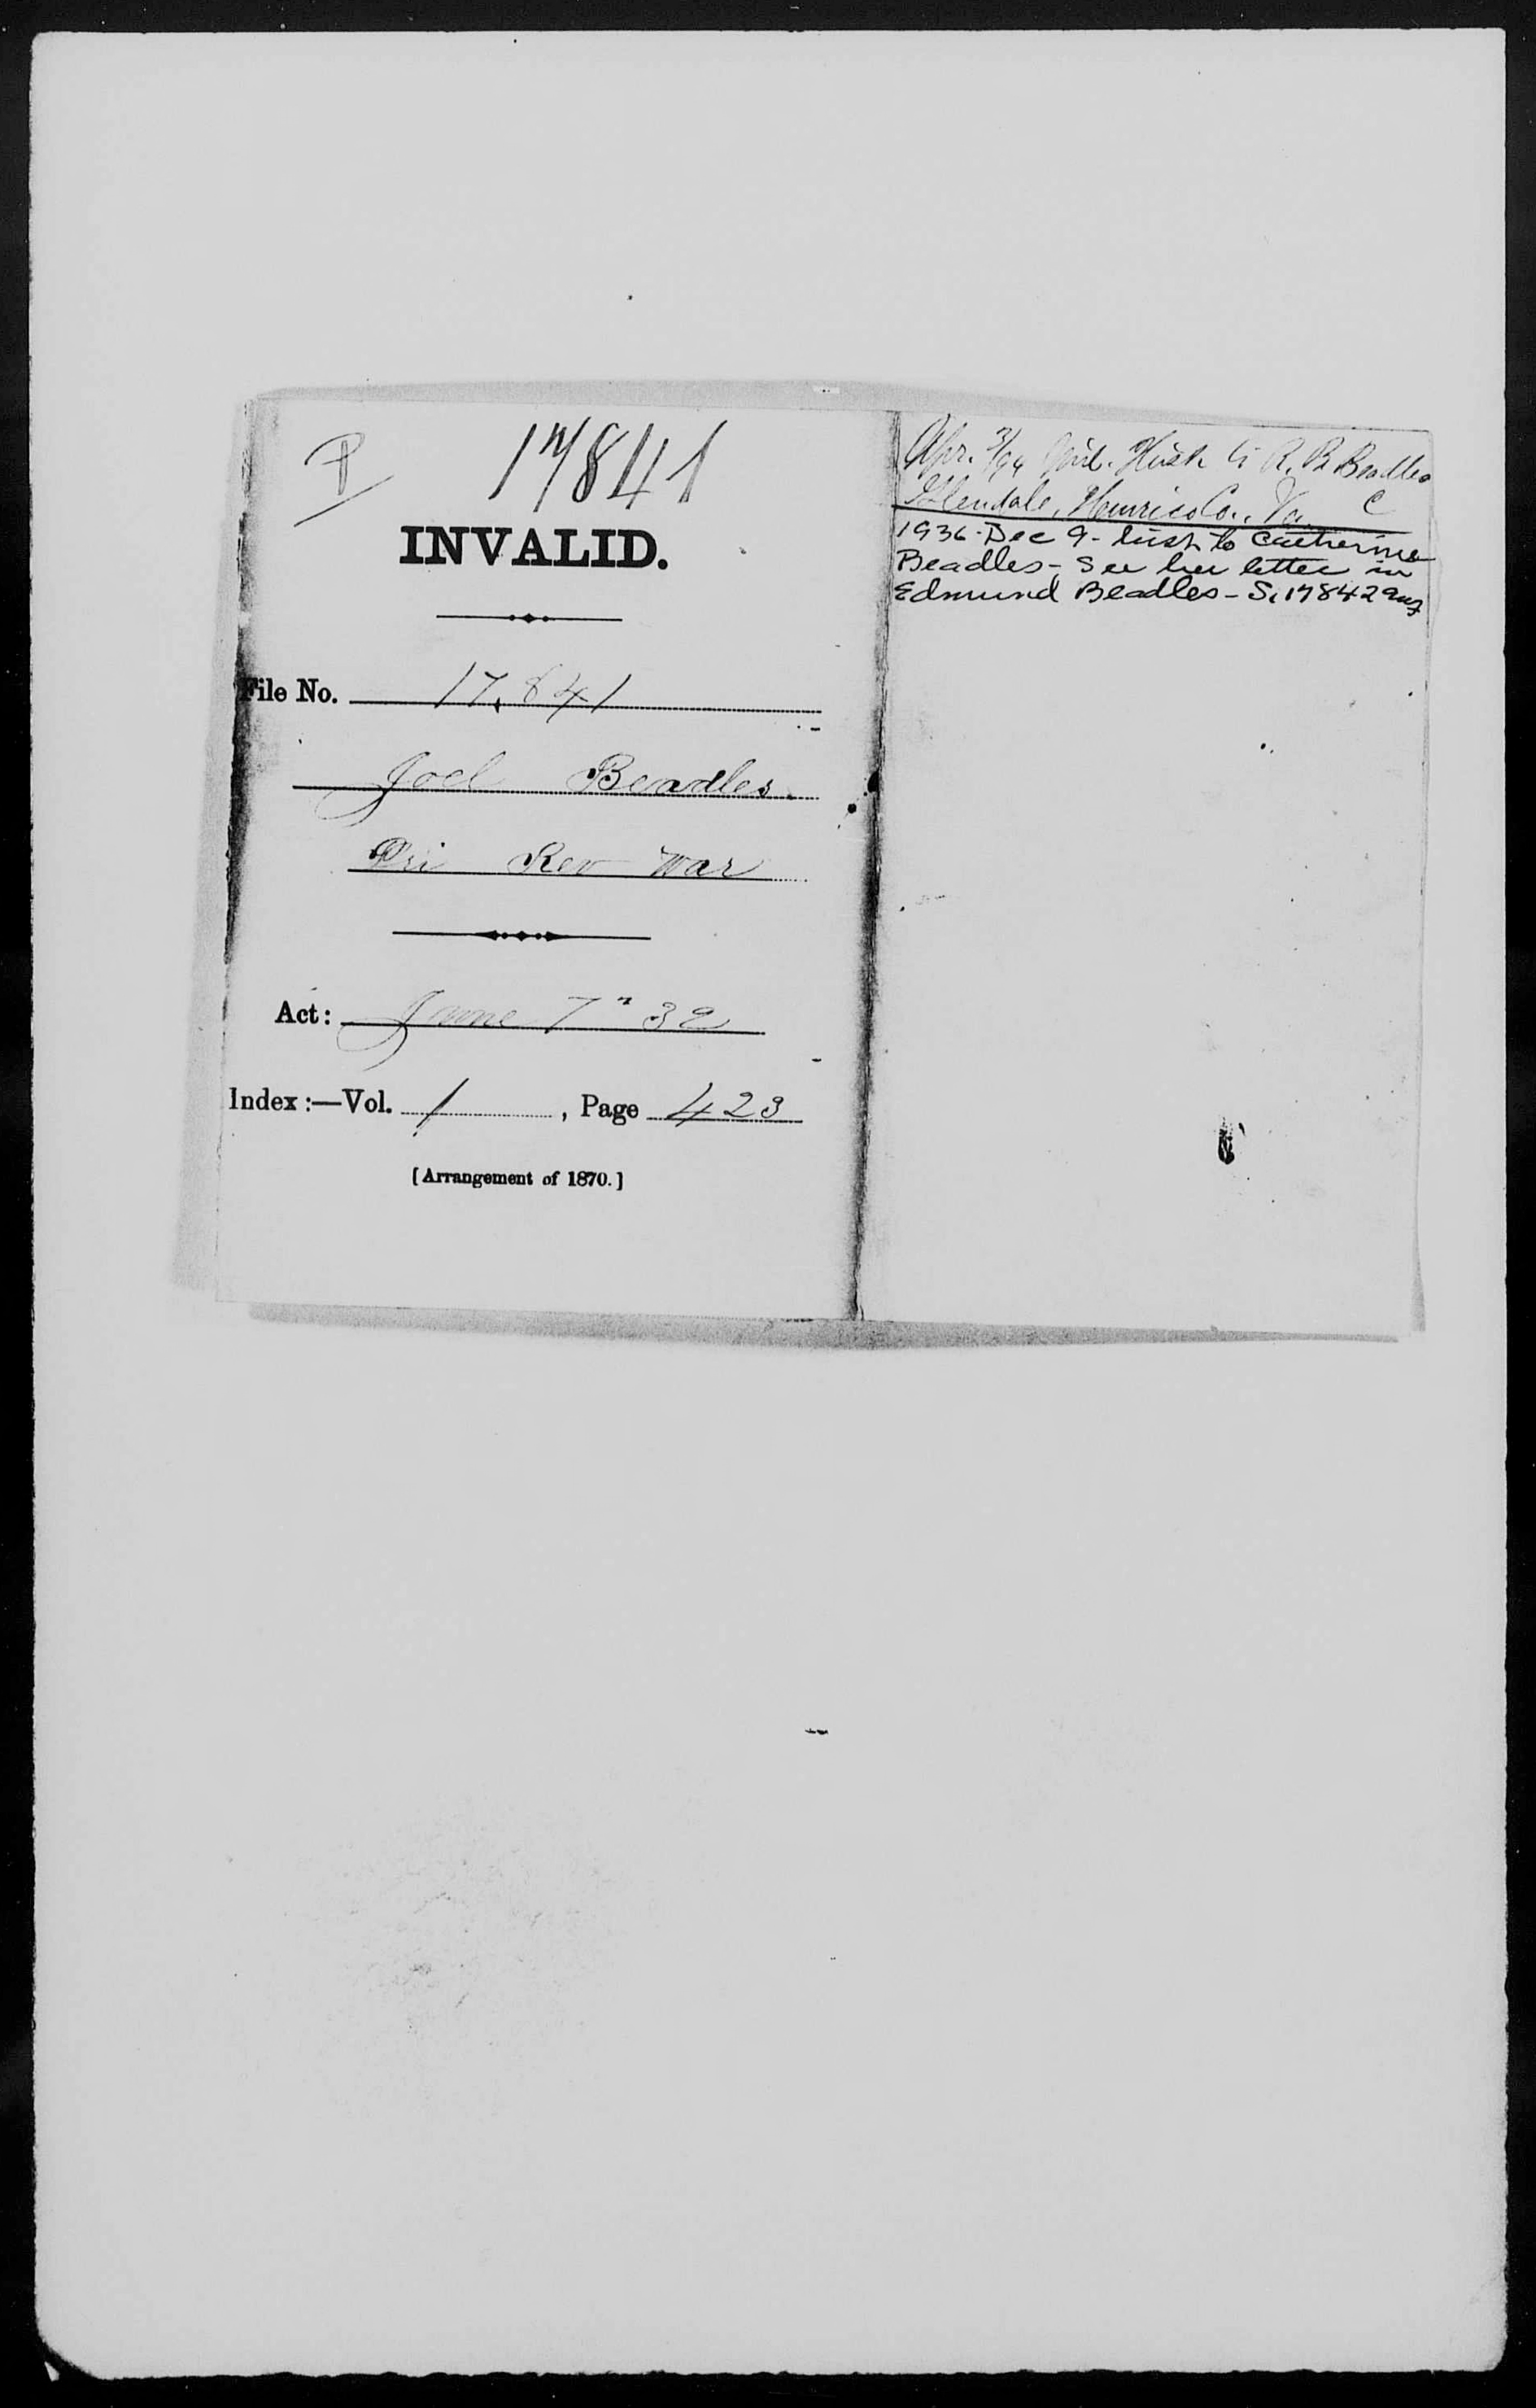17841

INVALID.

File No. 17841

Joel Beadles

Private Revolutionary War

Act: June 7th, 1832

Index: Vol. 1, Page 423

[ Arrangement of 1870. ]

April 3, 1894 [illegible] to R. B. Beadles
Glendale, Henrico Co., Va.

1936 - December 9 - to Catherine Beadles - See her letter in Edmund Beadles - S. 17842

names: R B Beadles, Edmund Beadles, Joel Beadles, Catherine Beadles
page: 10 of 13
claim: survivor's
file: S. 17841, Joel Beadles, Va.